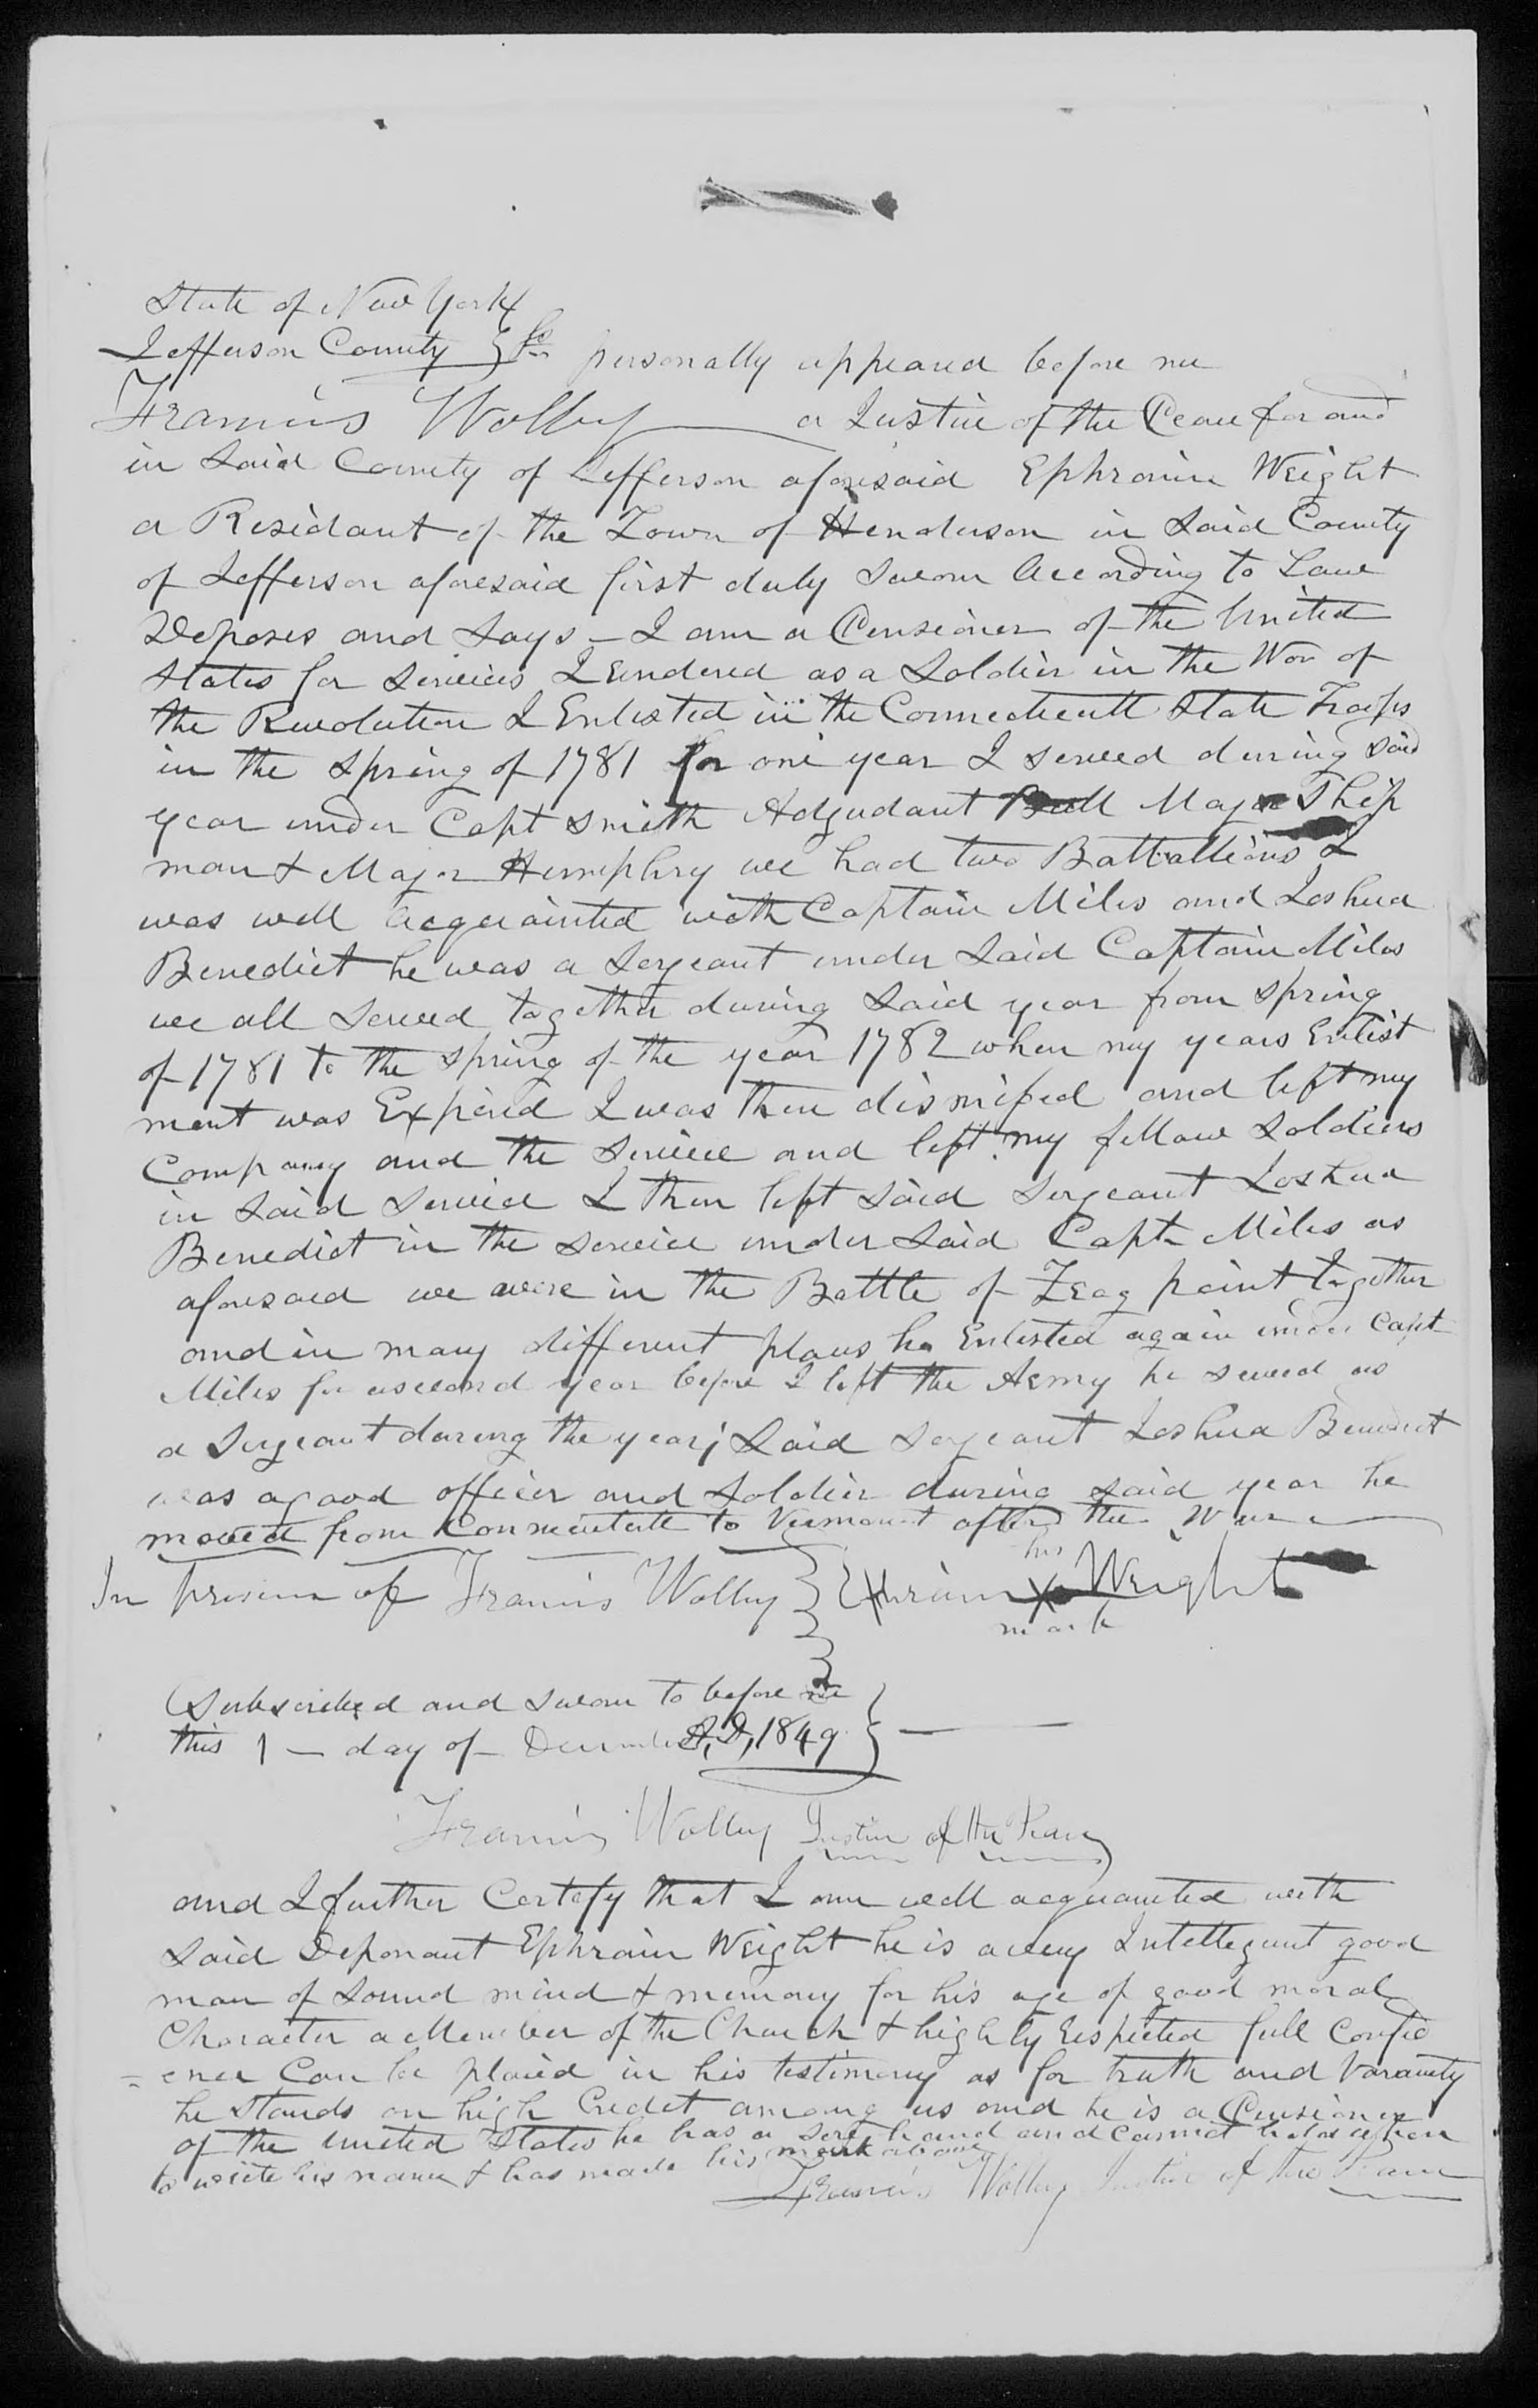State of New York
Jefferson County } Ss personally appeared before me Francis Wolley a Justice of the Peace for and in said County of Jefferson aforesaid Ephraim Weight a Residant [resident] of the Town of Henderson in said County of Jefferson aforesaid first duly sworn According to Law Deposes and Says - I am a Pensioner of the United States for services I rendered as a Soldier in the War of the Revolution I Enlisted in the Connecticutt [Connecticut] State Troops in the spring of 1781 for one year I served during said year under Captain Smith Adjutant Ball Major Shipman & Major Humphry [Humphreys] we had two Battallions [battalions] I was well acquainted with Captain Miles and Joshua Benedict he was a sergeant under said Captain Miles we all served together during said year from spring of 1781 to the spring of the year 1782 when my years Enlistment was Expired I was then dismissed and left my Company and the service and left my fellow soldiers in said service I then left said sergeant Joshua Benedict in the service under said Capt Miles as aforesaid we were in the Battle of Frog point together and in many different places he Enlisted again under Capt Miles for a second year before I left the Army he served as a Sergeant during the year; said sergeant Joshua Benedict was a good officer and Soldier during said year he moved from Connecticutt [Connecticut] to Vermont after the War.
his
Ephraim X Weight
mark
In presence of Francis Wolley
Subscribed and sworn to before me this 1 - day of December A.D. 1849
Francis Wolley Justice of the Peace
and I further Certify that I am well acquainted with said Deponent Ephraim Weight he is a very Intelligent good man of sound mind & memory for his age of good moral Character a Member of the Church & highly respected full confidence can be placed in his testimony as for truth and Veracity he stands on high Credit among us and he is a Pensioner of the United States he has a sore hand and cannot hold a pen to write his name & has made his mark above
Francis Wolley Justice of the Peace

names: Joshua Benedict, Miles, Humphry, Smith, Ball, Miles, Miles, Francis Wolley, Francis Wolley, Miles, Ephrain Weight, Ephram Weight, Francis Wolley, Joshua Benedict, Joshua Benedict, Ephraim Weight, Shipman, Francis Wolley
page: 31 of 106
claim: survivor's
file: S 23,116., Joshua Benedict, Conn.